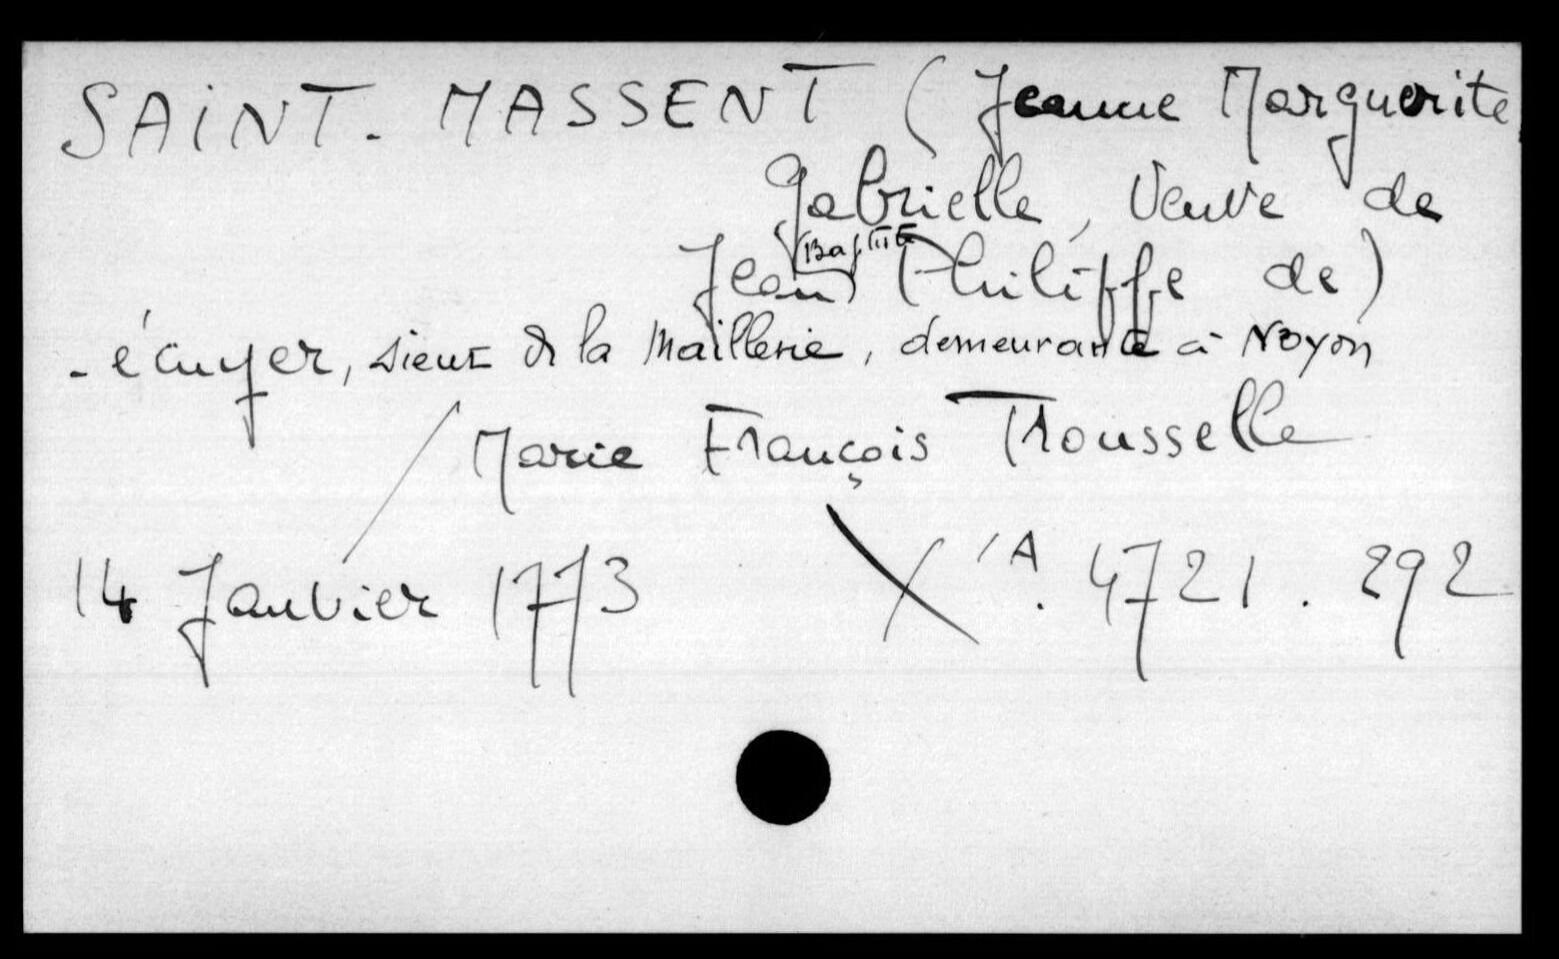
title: SAINT MASSENT (Jeanne Marguerite Gabrielle, veuve de Jean Baptiste Philippe de) - écuyer, sieur de la Maillerie, demeurant à Noyon
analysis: Contre Marie François Trousselle
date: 14 janvier 1773
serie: X1A
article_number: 4721
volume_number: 292
